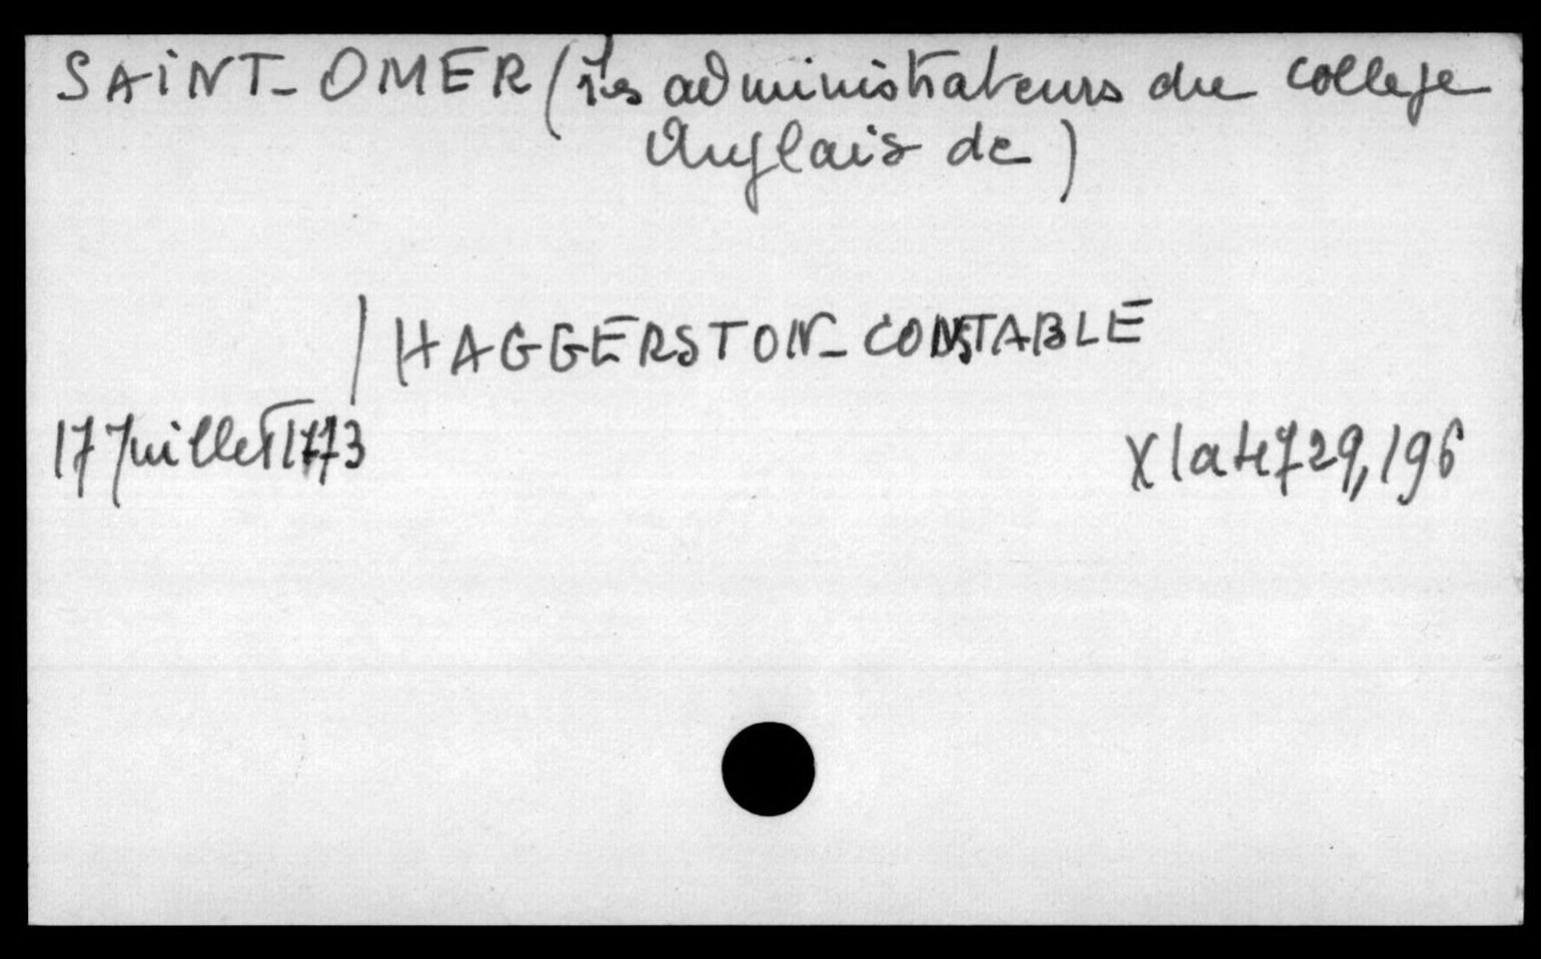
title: SAINT-OMER (Les administrateurs du collège Anglais de)
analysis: Contre HAGGERSTON-CONSTABLE
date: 17 juillet 1773
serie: X1a
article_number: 4729
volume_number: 196
